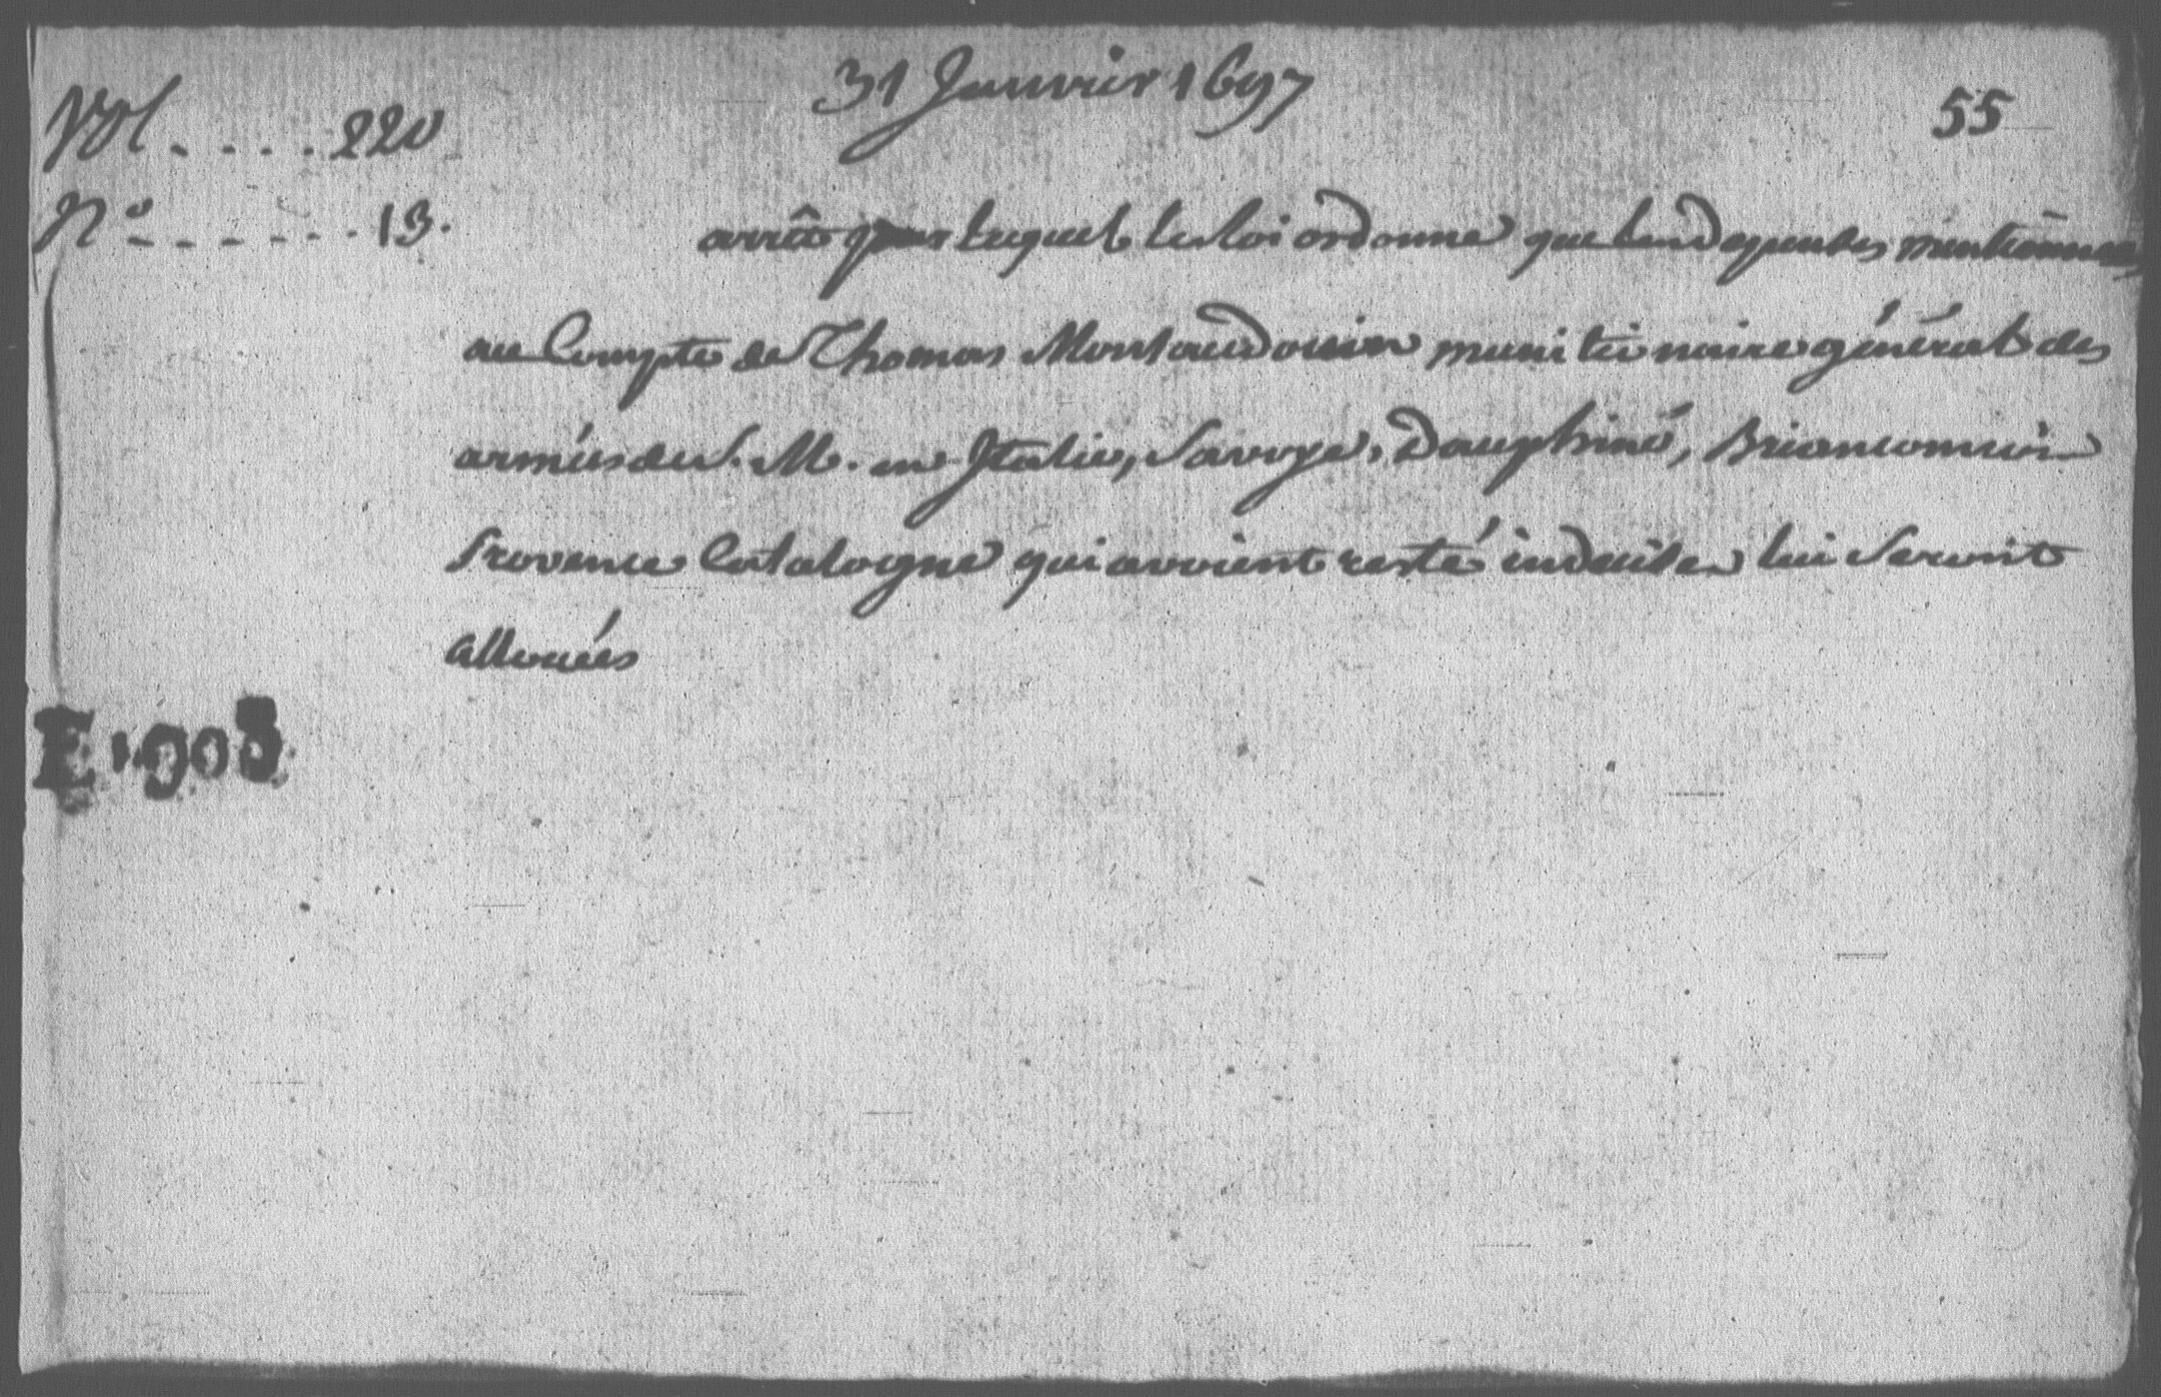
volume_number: n°13
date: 31 janvier 1697
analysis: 55
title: arrêt par lequel le Roi ordonne que les depenses mentionnées au Compte de Thomas Montaudouin munitionaire général des armées de S. M. en Italie, Savoye, Dauphiné, Brianconnois Provence Calalogne qui avoient resté indecises lui seront allouées
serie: E
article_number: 1903
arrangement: vol. 220
